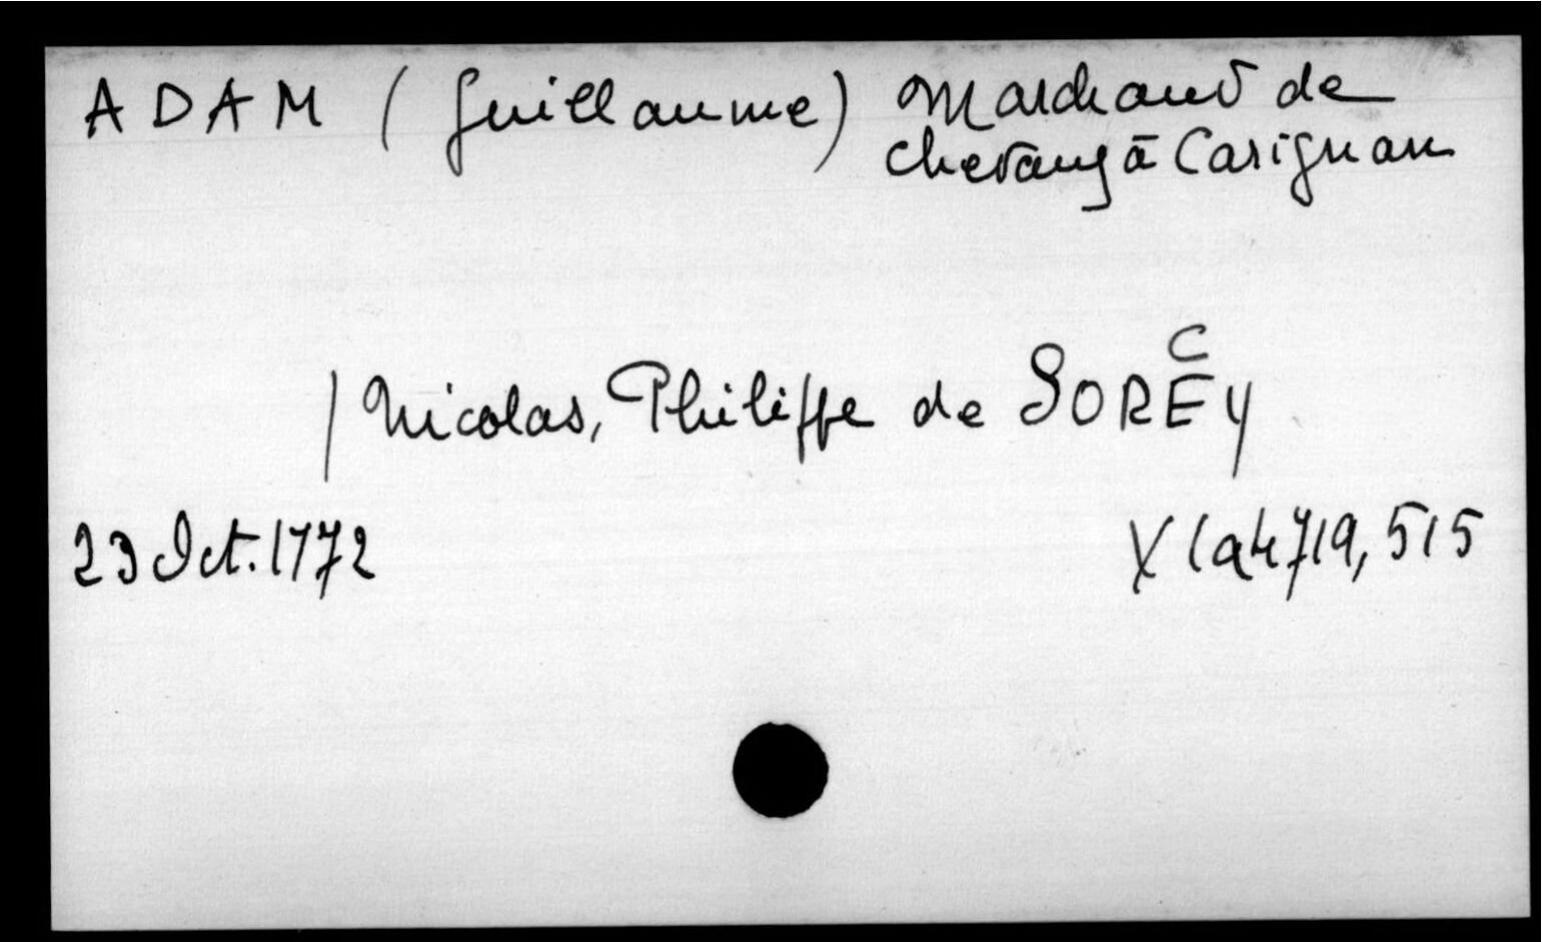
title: ADAM (Guillaume) Marchand de chevaux à Carignan
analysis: Contre Nicolas, Philippe de SOREY
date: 23 octobre 1772
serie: X1a
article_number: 4719
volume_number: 515
